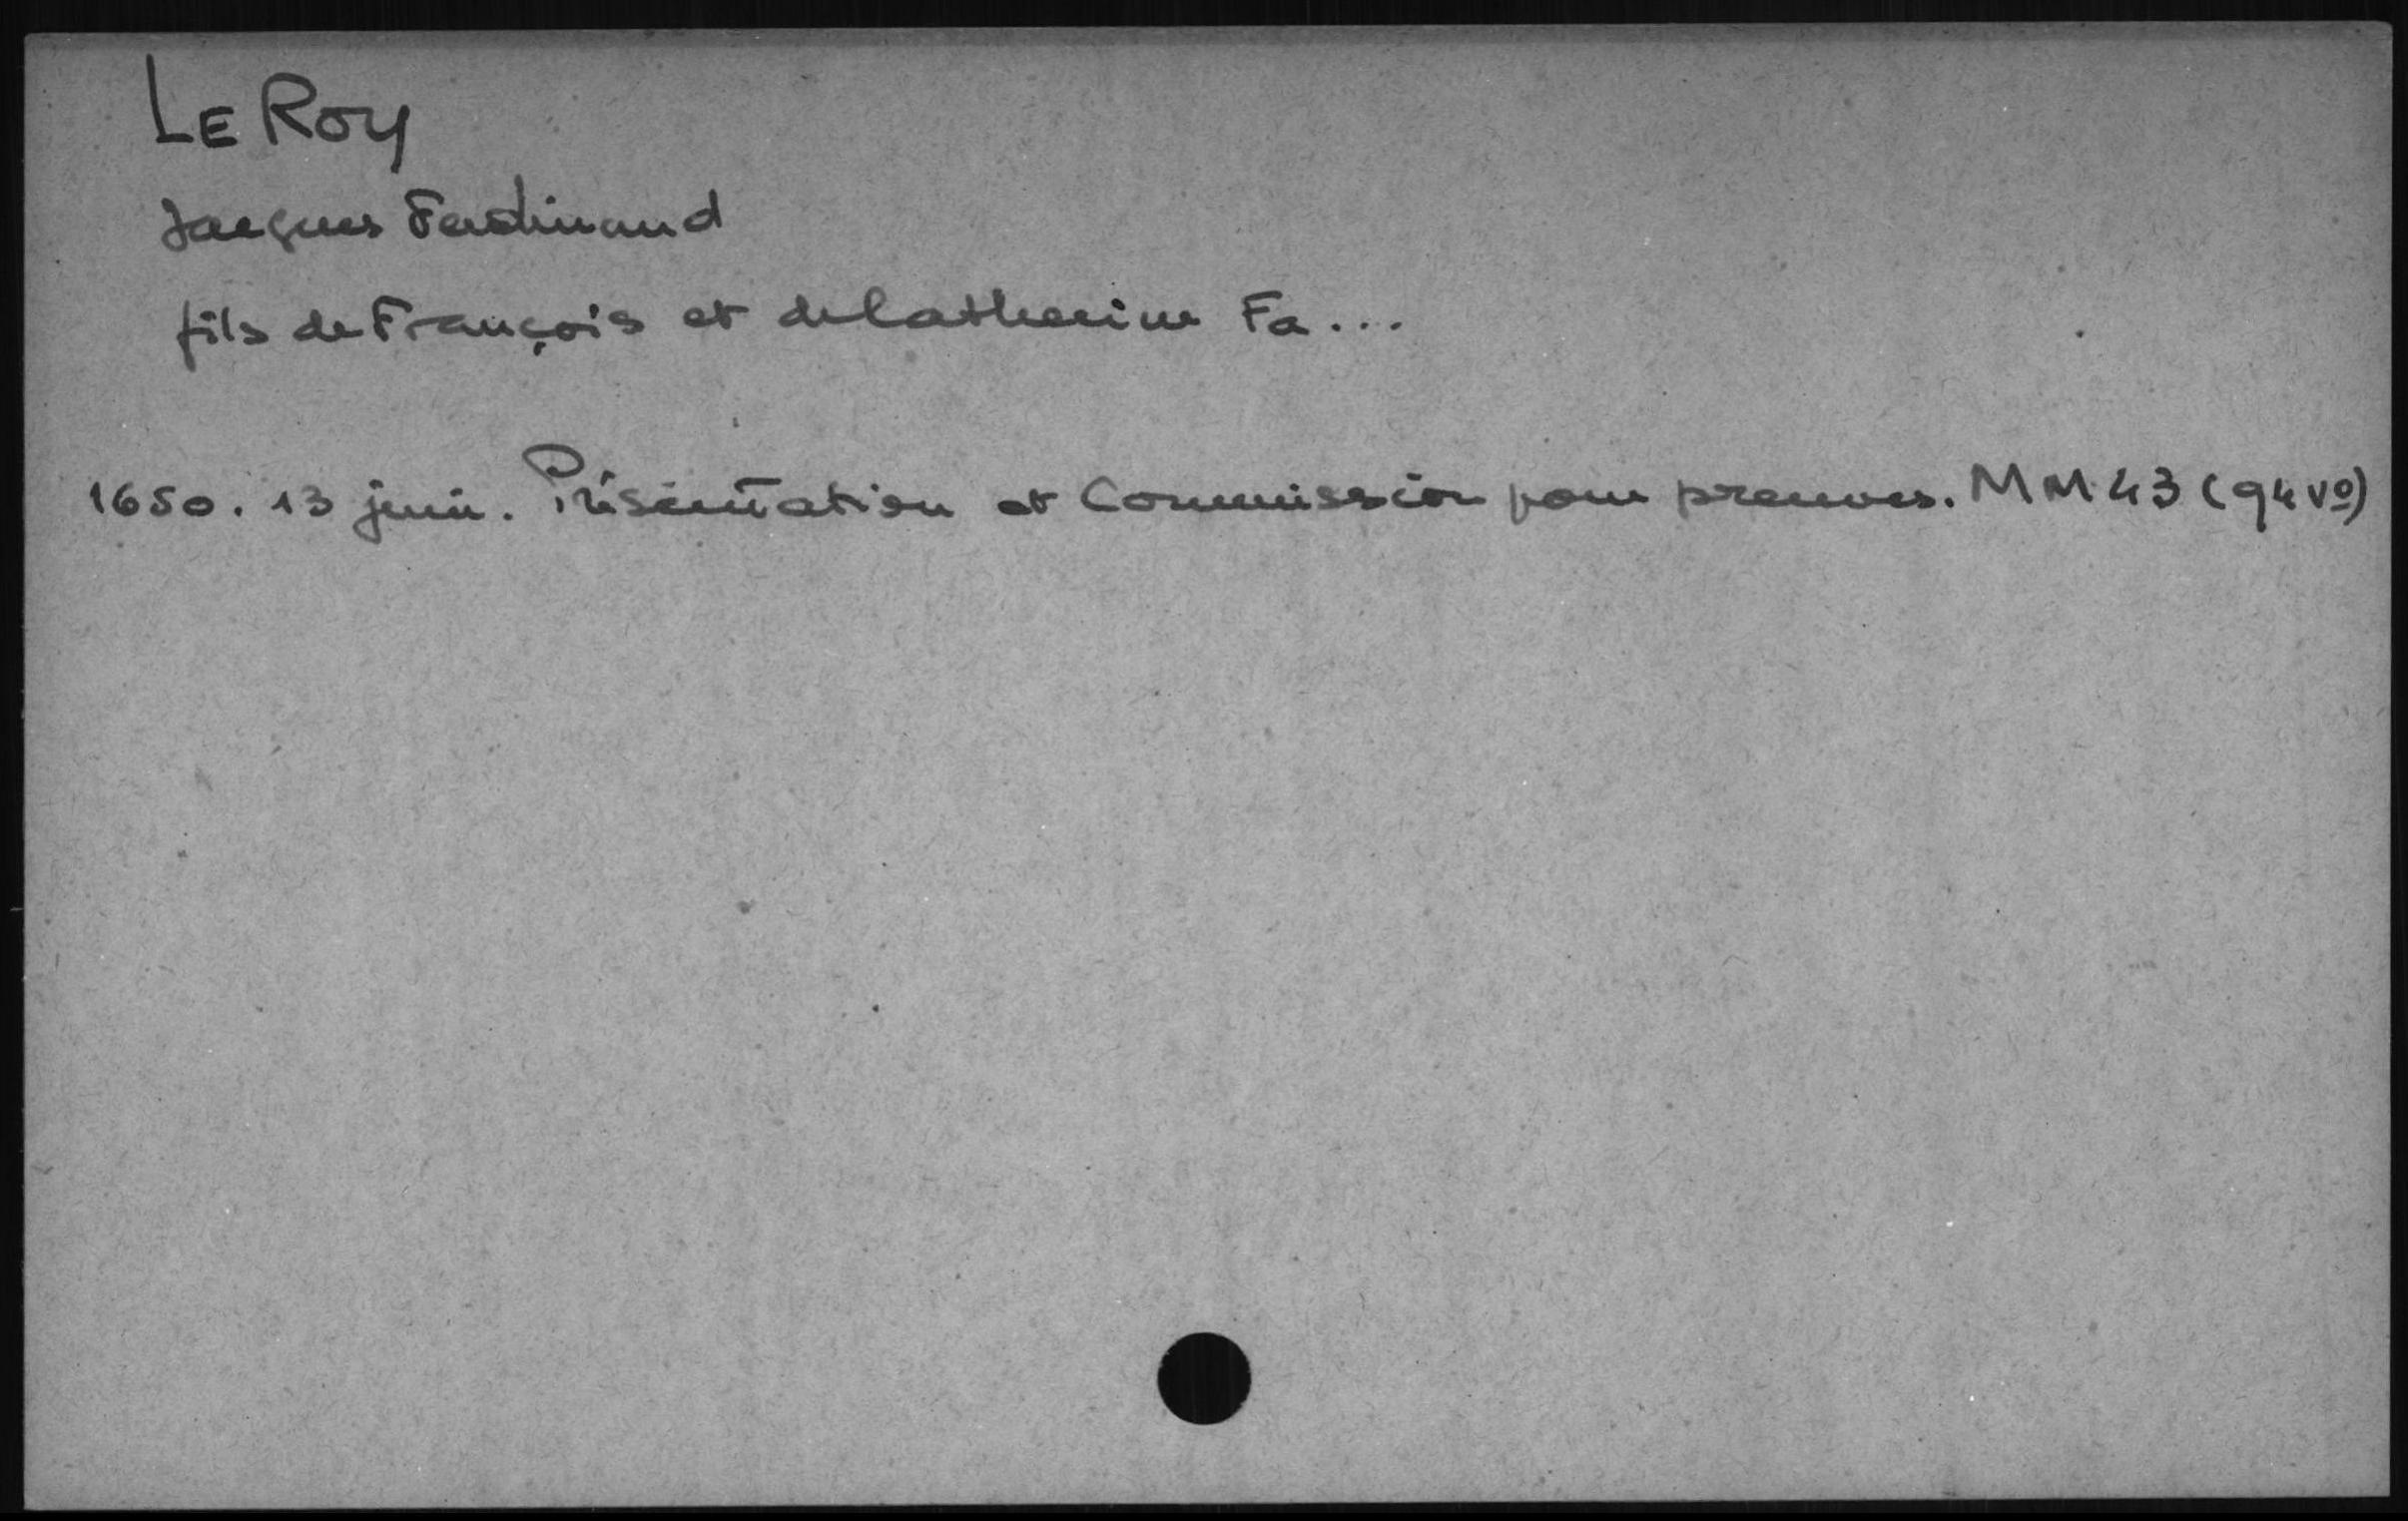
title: LE ROY Jacques Ferdinand fils de François et de Catherine Fa...
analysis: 1650, 13 juin. Présentation et commission pour preuves. MM 43 (94v)
